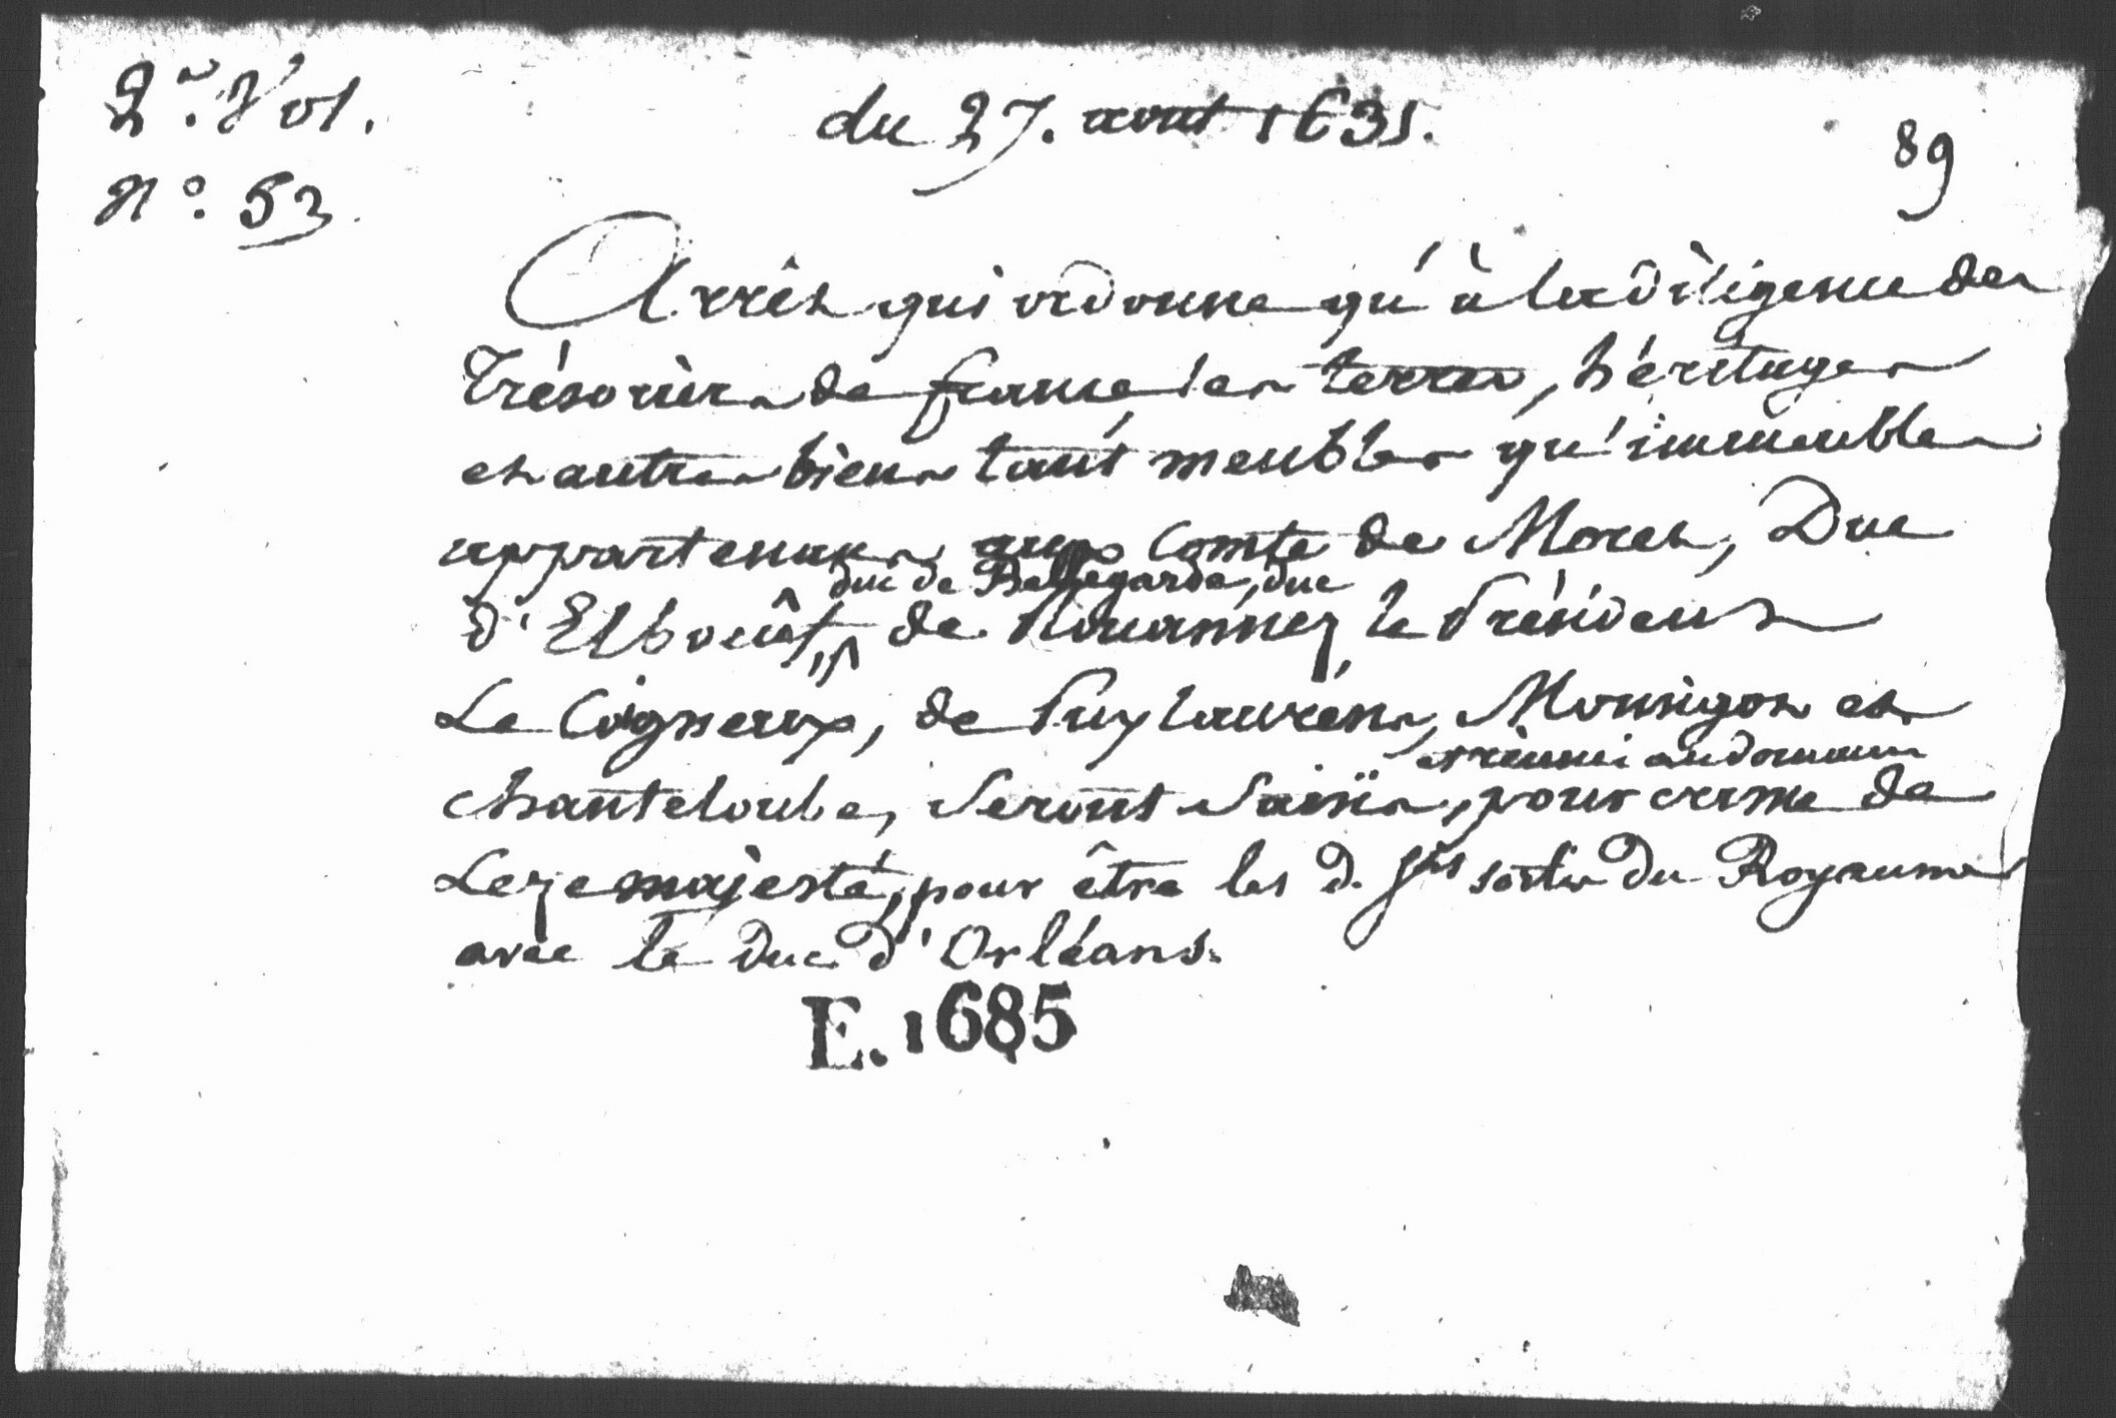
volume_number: n°53
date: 27 août 1631
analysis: Arrêt qui ordonne qu'à la diligence des Trésoriers de france les terres, héritages et autres biens tant meubles qu'immeubles appartenans aux comte de Moret, Duc d'Elboeuf, duc de Bellegarde, duc de Rouannez, le Président Le Coigneux, de Puylaurens, Monsigot et Chanteloube, seront saisis et réunis au domaine pour crime de leze majesté, pour être les d. Srs sortis du Royaume avec le duc d'Orléans.
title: E
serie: E
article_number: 1685
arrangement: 2. vol.
